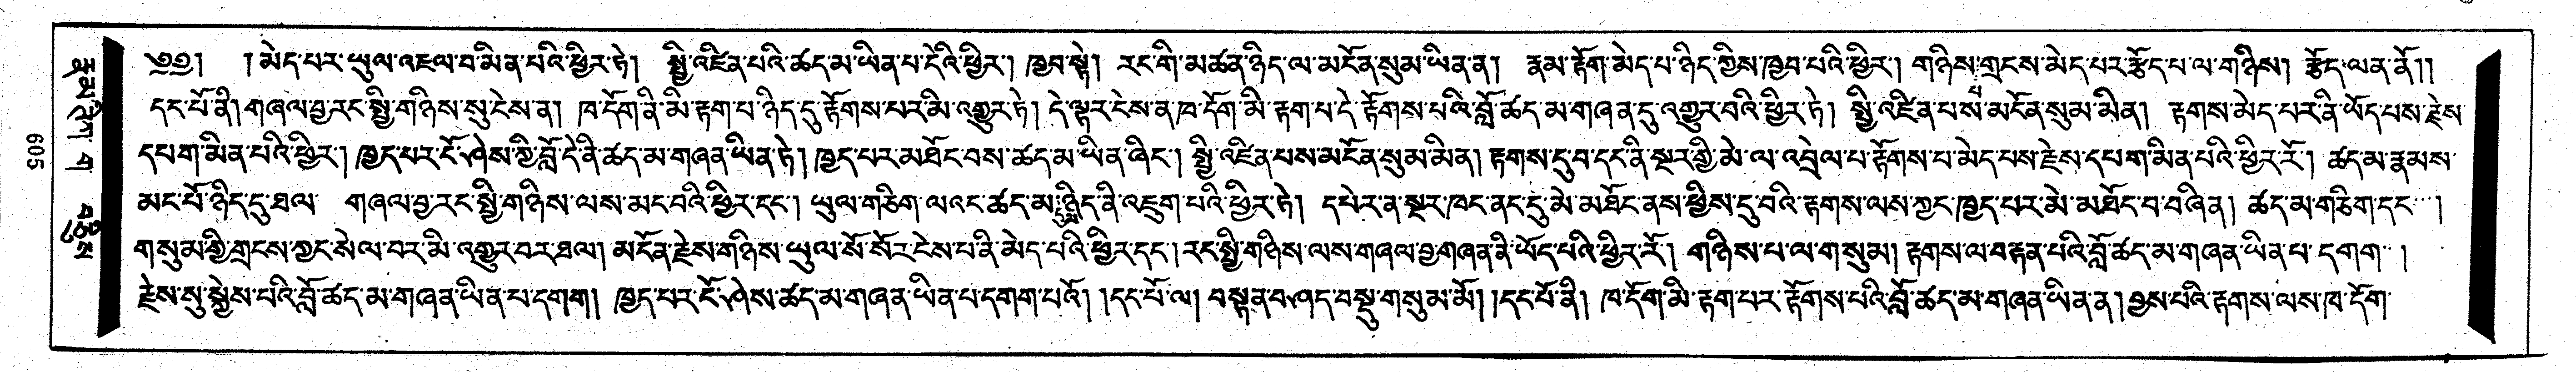༄༅། །མེད་པར་ཡུལ་འཇལ་བ་མིན་པའི་ཕྱིར་ཏེ། སྤྱི་འཛིན་པའི་ཚད་མ་ཡིན་པ་དེའི་ཕྱིར། ཁྱབ་སྟེ། རང་གི་མཚན་ཉིད་ལ་མངོན་སུམ་ཡིན་ན། རྣམ་རྟོག་མེད་པ་ཉིད་ཀྱིས་ཁྱབ་པའི་ཕྱིར། གཉིས་པ་གྲངས་མེད་པར་རྩོད་པ་ལ་གཉིས། རྩོད་ལན་ནོ། །
དང་པོ་ནི། གཞལ་བྱ་རང་སྤྱི་གཉིས་སུ་ངེས་ན། ཁ་དོག་ནི་མི་རྟག་པ་ཉིད་དུ་རྟོགས་པར་མི་འགྱུར་ཏེ། དེ་ལྟར་ངེས་ན་ཁ་དོག་མི་རྟག་པ་དེ་རྟོགས་པའི་བློ་ཚད་མ་གཞན་དུ་འགྱུར་བའི་ཕྱིར་ཏེ། སྤྱི་འཛིན་པས་མངོན་སུམ་མིན། རྟགས་མེད་པར་ནི་ཡོད་པས་རྗེས་
དཔག་མིན་པའི་ཕྱིར། ཁྱད་པར་ངོ་ཤེས་ཀྱི་བློ་དེ་ནི་ཚད་མ་གཞན་ཡིན་ཏེ། ཁྱད་པར་མཐོང་བས་ཚད་མ་ཡིན་ཞིང་། སྤྱི་འཛིན་པས་མངོན་སུམ་མིན། རྟགས་དུ་བ་དང་ནི་སྔར་གྱི་མེ་ལ་འབྲེལ་བ་རྟོགས་པ་མེད་པས་རྗེས་དཔག་མིན་པའི་ཕྱིར་རོ། ཚད་མ་རྣམས་
མང་པོ་ཉིད་དུ་ཐལ་གཞལ་བྱ་རང་སྤྱི་གཉིས་ལས་མང་པའི་ཕྱིར་དང་། ཡུལ་གཅིག་ལའང་ཚད་མ་དུ་མ་ཉིད་ནི་འཇུག་པའི་ཕྱིར་ཏེ། དཔེར་ན་སྔར་ཁང་ནང་དུ་མེ་མཐོང་ནས་ཕྱིས་དུ་བའི་རྟགས་ལས་ཀྱང་ཁྱད་པར་མེ་མཐོང་བ་བཞིན། ཚད་མ་གཅིག་དང་།
གསུམ་གྱི་གྲངས་ཀྱང་སེལ་བར་མི་འགྱུར་བར་ཐལ། མངོན་རྗེས་གཉིས་ཡུལ་སོ་སོར་ངེས་པ་ནི་མེད་པའི་ཕྱིར་དང་། རང་སྤྱི་གཉིས་ལས་གཞལ་བྱ་གཞན་ནི་ཡོད་པའི་ཕྱིར་རོ། གཉིས་པ་ལ་གསུམ། རྟགས་ལ་བརྟན་པའི་བློ་ཚད་མ་གཞན་ཡིན་པ་དགག།
རྗེས་སུ་སྐྱེས་པའི་བློ་ཚད་མ་གཞན་ཡིན་པ་དགག། ཁྱད་པར་ངོ་ཤེས་ཚད་མ་གཞན་ཡིན་པ་དགག་པའོ། །དང་པོ་ལ། བསྟན་བཤད་བསྡུ་གསུམ་མོ། །དང་པོ་ནི། ཁ་དོག་མི་རྟག་པར་རྟོགས་པའི་བློ་ཚད་མ་གཞན་ཡིན་ན། བྱས་པའི་རྟགས་ལས་ཁ་དོག་